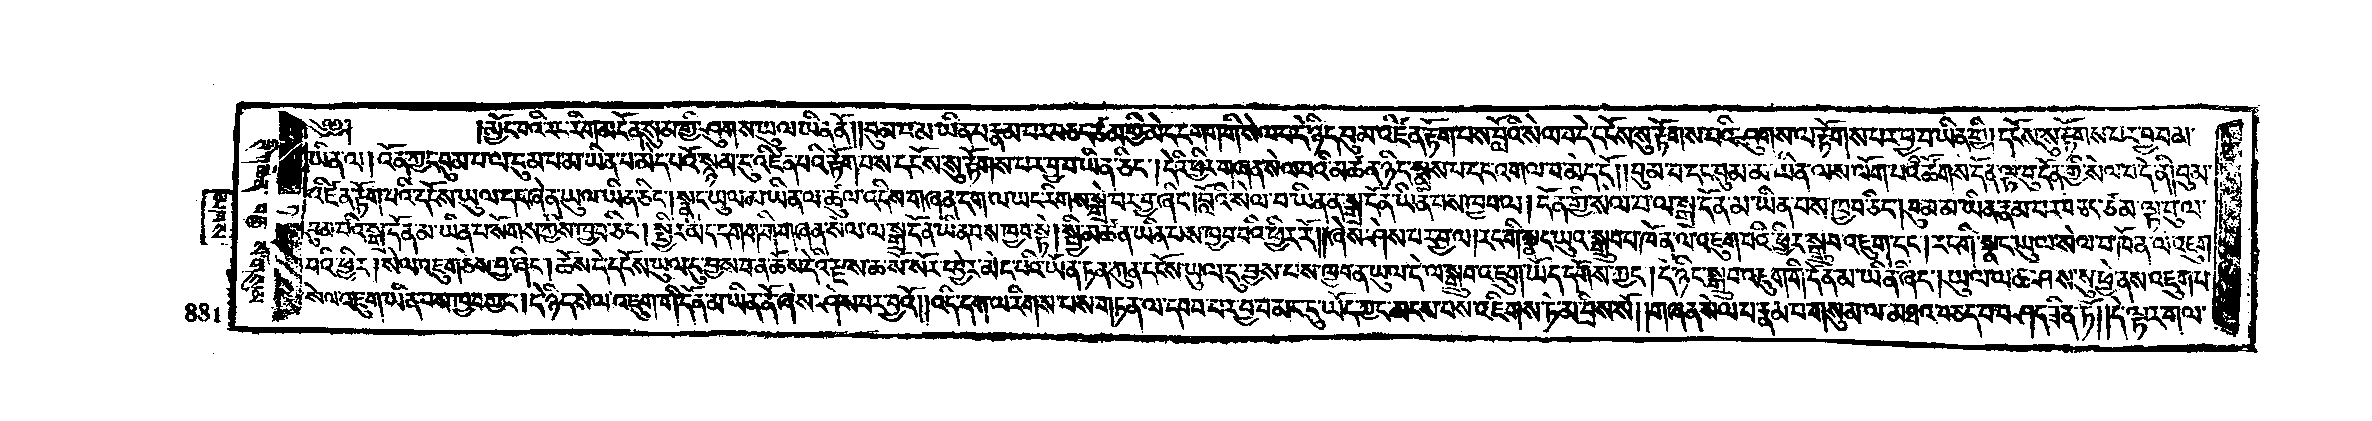༄༅། །མྱོང་བའི་རང་རིག་མངོན་སུམ་གྱི་ཤུགས་ཡུལ་ཡིན་ནོ། །བུམ་པ་མ་ཡིན་པ་རྣམ་པར་བཅད་ཙམ་གྱི་མེད་དགག་གི་སེལ་བ་དེ་ཉིད་བུམ་འཛིན་རྟོག་པས་བློའི་སེལ་བ་དེ་དངོས་སུ་རྟོགས་པའི་ཤུགས་ལ་རྟོགས་པར་བྱ་བ་ཡིན་གྱི། དངོས་སུ་རྟོགས་པར་བྱ་བའམ་
ཡིན་ལ། འོན་ཀྱང་བུམ་པ་ལ་བུམ་པ་མ་ཡིན་པ་མེད་པའི་སྙམ་དུ་འཛིན་པའི་རྟོག་པས་དངོས་སུ་རྟོགས་པར་བྱ་བ་ཡིན་ཅིང་། དེའི་ཕྱིར་གཞན་སེལ་བའི་མཚན་ཉིད་སྨྲས་པ་དང་འགལ་བ་མེད་དོ། །བུམ་པ་དང་བུམ་མ་ཡིན་ལས་ལོག་པའི་ཚོགས་དོན་ལྟ་བུ་དོན་གྱི་སེལ་བ་དེ་ནི། བུམ་
འཛིན་རྟོག་པའི་དངོས་ཡུལ་དང་ཞེན་ཡུལ་ཡིན་ཅིང་། སྣང་ཡུལ་མ་ཡིན་ལ་ཚུལ་འདིས་གཞན་དག་ལ་ཡང་རིགས་སྒྲེ་བར་བྱ་ཞིང་། བློའི་སེལ་བ་ཡིན་ན་སྒྲ་དོན་ཡིན་པས་ཁྱབ་ལ། དོན་གྱི་སེལ་བ་ལ་སྒྲ་དོན་མ་ཡིན་པས་ཁྱབ་ཅིང་། བུམ་མ་ཡིན་རྣམ་པར་བཅད་ཙམ་ལྟ་བུ་ལ་
བུམ་པའི་སྒྲ་དོན་མ་ཡིན་པ་སོགས་ཀྱིས་ཁྱབ་ཅིང་། སྤྱི་མེད་དགག་གི་གཞན་སེལ་ལ་སྒྲ་དོན་ཡིན་པས་ཁྱབ་སྟེ། སྤྱི་མཚན་ཡིན་པས་ཁྱབ་པའི་ཕྱིར་རོ། །ཞེས་ཤེས་པར་བྱ་ལ། རང་གི་སྣང་ཡུལ་སྒྲུབ་པ་ཁོ་ན་ལ་འཇུག་པའི་ཕྱིར་སྒྲུབ་འཇུག་དང་། རང་གི་སྣང་ཡུལ་སེལ་བ་ཁོ་ན་ལ་འཇུག་
པའི་ཕྱིར། སེལ་འཇུག་ཅེས་བྱ་ཞིང་། ཆོས་དེ་དངོས་ཡུལ་དུ་བྱས་པ་ན་ཆོས་དེའི་རྫས་ཆ་སོ་སོར་དབྱེར་མེད་པའི་ཡོན་ཏན་ཀུན་དངོས་ཡུལ་དུ་བྱས་པས་ཁྱབ་ན་ཡུལ་དེ་ལ་སྒྲུབ་འཇུག་ཡོད་དགོས་ཀྱང་། དེ་ཉིད་སྒྲུབ་འཇུག་གི་དོན་མ་ཡིན་ཞིང་། ཡུལ་ལ་ཆ་ཤས་སུ་ཕྱེ་ནས་འཇུག་པ་
སེལ་འཇུག་ཡིན་པས་ཁྱབ་ཀྱང་། དེ་ཉིད་སེལ་འཇུག་གི་དོན་མ་ཡིན་ནོ་ཞེས་ཤེས་པར་བྱའོ། །འདི་དག་ལ་རིགས་པས་གཏན་ལ་དབབ་པར་བྱ་བ་མང་དུ་ཡོད་ཀྱང་མངས་པས་འཇིགས་ཏེ་མ་བྲིས་སོ། །གཞན་སེལ་བ་རྣམ་པ་གསུམ་ལ་མཐའ་བཅད་པ་བཤད་ཟིན་ཏོ། །དེ་ལྟར་གལ་